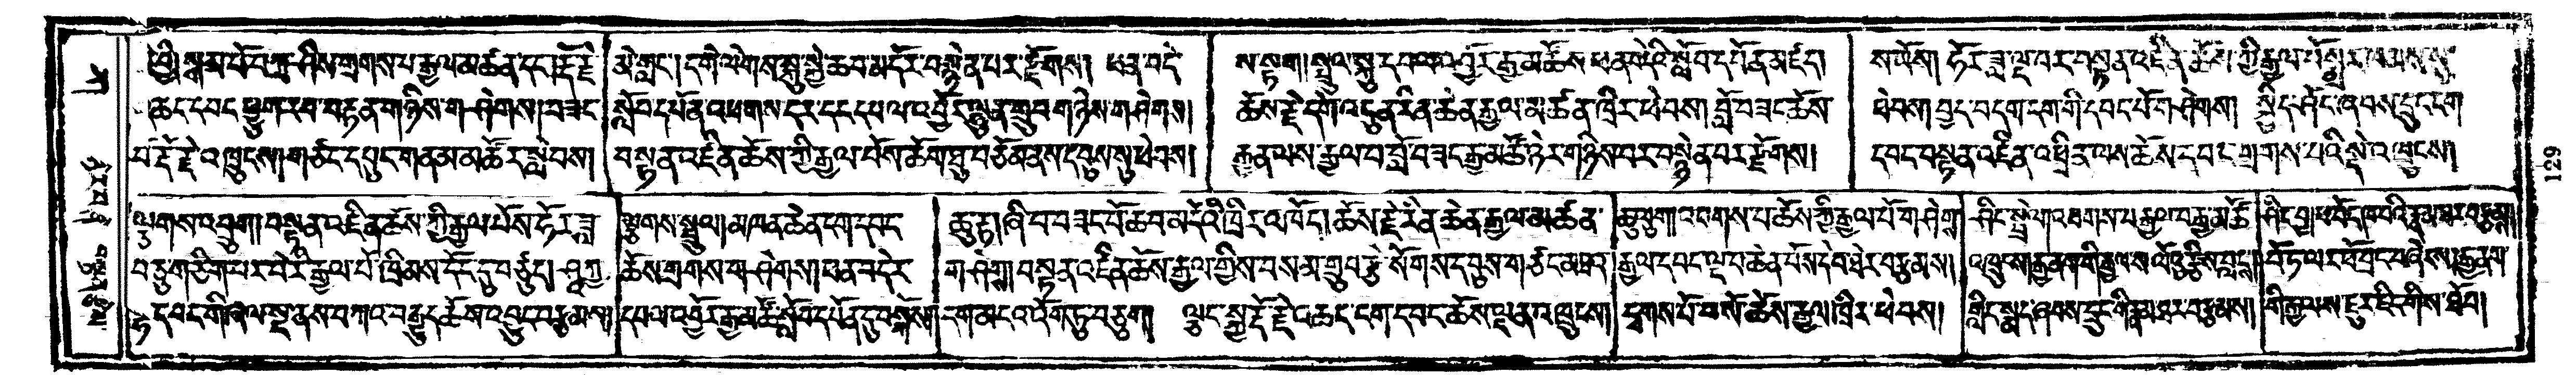བྱི། སྒམ་པོ་བཀྲ་ཤིས་གྲགས་པ་རྒྱལ་མཚན་དང་། རྡོ་རྗེ་མེ་གླང་། དགེ་ལེགས་སྐུ་སྐྱེ་ཆབ་མདོར་བསྙེན་པར་རྫོགས། ཕན་བདེ་ས་སྟག །སྤྲུལ་སྐུ་དཔལ་འབྱོར་རྒྱ་མཆོས་ཕན་བདེའི་སློབ་དཔོན་མཛད། ས་ཡོས། ཧོར་ཟླ་ལྔ་བར་བསྟན་འཛིན་ཆོས་ཀྱི་རྒྱལ་པོ་སྨྲས་ཁམས་སུ་
?་ཆང་དབང་ཕྱུག་རབ་བརྟན་གཉིས་གཤེགས། བཟང་སློབ་དཔོན་འཕགས་དར་དང་དཔལ་འབྱོར་ལྷུན་གྲུབ་གཉིས་གཤེགས། ཆོས་རྗེ་དགེ་འདུན་རིན་ཆེན་རྐྱལ་མཚན་ཁྲིར་ཕེབས། བློ་བཟང་ཆོས་ཕེབས་བྱད་བདག་དག་གི་དབང་པོ་གཤེགས། སྐྱིད་ཤོང་ཞབས་དྲུང་ངག་
པོ་རྡོ་རྗེ་འཁྲུངས། གཙང་དབུང་གནམ་མཚོར་སླེབས། བསྟན་འཛིན་ཆོས་ཀྱི་རྒྱལ་པོས་ཆོག་ཐུ་བཅོམ་ནས་དབུས་སུ་ཕེབས། རྒྱན་ལས་རྒྱལ་བ་བཟོ་བཟང་རྒྱ་མཚོ་ཉེར་གཉིས་པར་བསྙེན་པར་རྫོགས། དབང་བསྟན་འཛིན་འཕྲིན་ལས་ཆོས་དབང་གྲགས་པའི་སྡེ་འཁྲུངས།
ལྕགས་འབྲུག །བསྟན་འཛིན་ཆོས་ཀྱི་རྒྱལ་པོས་ཧོར་ཟླ་ལྕགས་སྤྲུལ། མཁན་ཆེན་ངག་དང་ཆུ་རྟ། ཞི་བ་བཟང་པོ་ཆབ་མདོའི་ཁྲིར་འཁོད། ཆོས་རྗེ་རིན་ཆེན་རྒྱལ་མཚན་ཆུ་ལུག། འབགས་པ་ཆོས་ཀྱི་རྒྱལ་པོ་གཤེགས་ཤིང་སྤྲེག་འཐགས་པ་རྒྱལ་བརྒྱ་མཚོ་ཤིང་བྱ། ཕོ་བོད་ཁ་བའི་རྣམ་ཐར་བརྩམས།
བཅུ་གཅིག་པར་བེར་རྒྱལ་པོ་ཁྲིམས་དོང་དུ་བཙུད། ཤཱཀྱ་ཆོས་གྲགས་གཤེགས། ཕན་བདེར་གཤེགས། བསྟན་འཛིན་ཆོས་རྒྱལ་གྱིས་བསམ་གྲུབ་རྩེ་སོགས་དབུས་གཙང་མཐའ་རྒྱལ་དབང་ལྔ་པ་ཆེན་པོས་དེབ་ཐེར་བརྩམས། འཁྲུངས། རྒྱ་ནག་གི་རྒྱས་ས་ལོའི་རྩིས་བླངས་བོ་ཏ་ལང་ཕོ་བྲང་བཞེངས། རྒྱ་ནག་
ལྷ?་དབང་གི་ཞལ་སྔ་ནས་བཀའ་བརྒྱུད་ཆོས་འབྱུང་བརྩམས། དཔལ་འབྱོར་རྒྱ་མཚོ་སློབ་དཔོན་དུ་བསྐོས། དག་མངའ་འོག་ཏུ་བཅུག །ལྕང་སྐྱ་རྡོ་རྗེ་འཆང་དག་དབང་ཆོས་ལྡན་འཁྲུངས། དྭགས་པོ་བསོ་ཆོས་རྒྱལ་ཁྲི་ཕེབས། གླིང་སྨད་ཞབས་དྲུང་གི་རྣམ་ཐར་བརྩམས། གི་རྒྱ་ལས་ཇུར་ཇིང་གིས་ཐོབ།